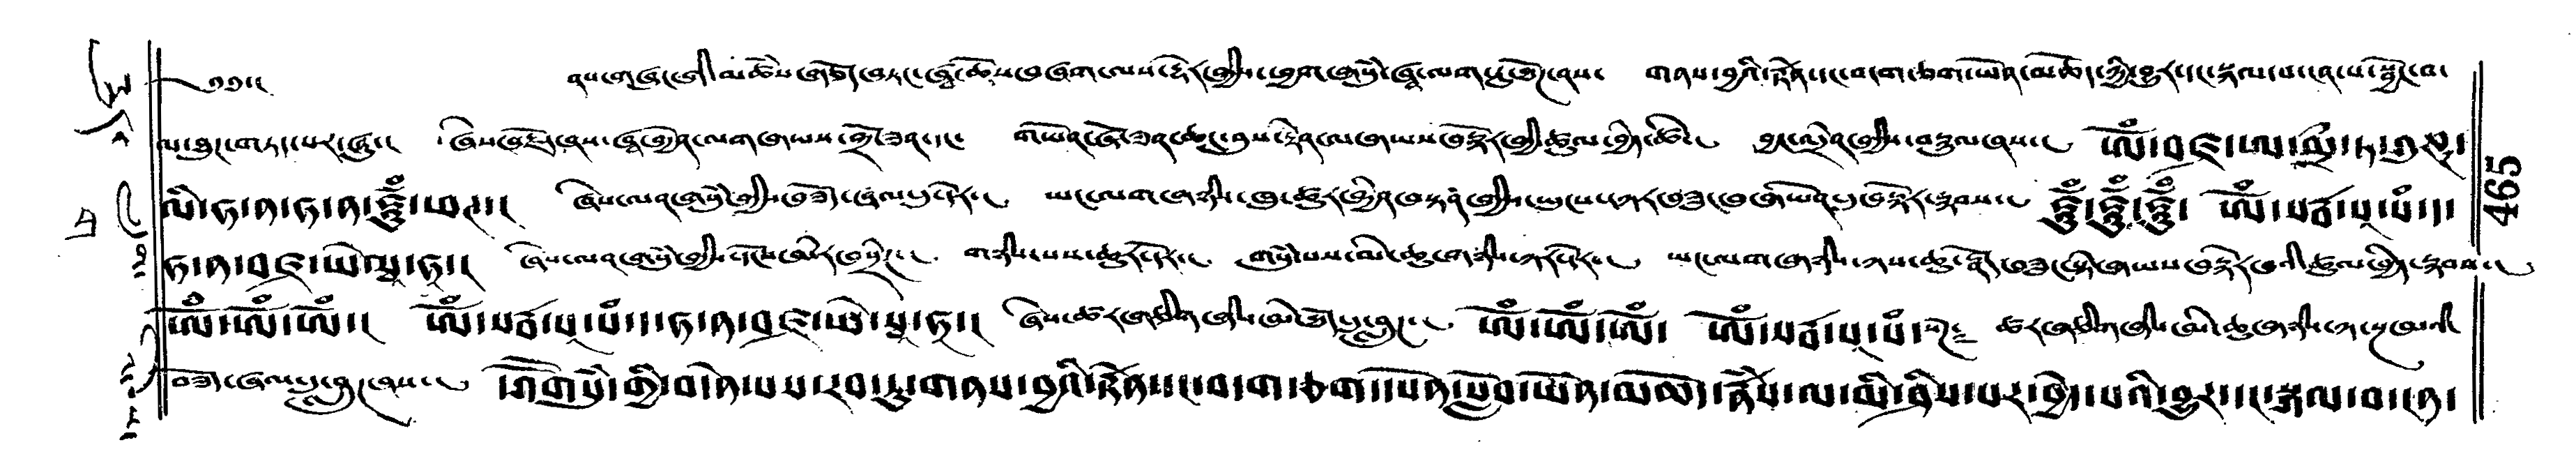ནས་གཞུང་གི་མཚམས་གཅོད་བཏང་། ཞྭ་ཆོས་བཞག ལས་རྡོར་གྱིས་ཕྱག་གསུམ་ཞྭ་ལག་ཏུ་ཐོགས་ནས། གནས་བྱའི་རྟེན་དང་བདག་ཅག་ཡོན་མཆོད་ཀྱི་བྱུར་དང་སྐལ་པ་ངན་པ་སྦྱོང་བ་
ལ་ཐུགས་གཏད་པར་ཞུ། ཞེས་བརྗོད་ནས་ཞྭ་གྱོན། ལག་གཡས་གྲོ་ཟན་དང་། གཡོན་ཞོ་ཟན་ཆང་བས་རྟེན་ལ་གཡས་བསྐོར་གྱི་ཚུལ་བྱེད་ཚེ། བྱང་འདྲེན་གྱིས་བསྐུལ་ནས། ཨོཾ་བཛྲ་ཨ་མྲྀ་ཏ་ཀུཎྜ་
ལི་ཧ་ན་ཧ་ན་ཧཱུྃ་ཕཊཿ ཞེས་ལན་གསུམ་གྱིས་བཟེད་ཞལ་དུ་དོར། ཡང་ལག་གཉིས་ཁུ་ཚུར་གྱེན་བསྟན་གྱིས་ཡུངས་དཀར་བཟུང་བ་གཡོན་དུ་བསྐོར་སྐབས། ཧཱུྃ་ཧཱུྃ་ཧཱུྃ། ཨོཾ་སརྦ་པཱ་པཾ་ད་
ཧ་ན་བཛྲ་ཡེ་སྭ་ཧཱ། ཞེས་ལན་གསུམ་གྱིས་དང་པོས་མེར་བསྲེགས། གཉིས་པས་ཆུར་དོར། གསུམ་པས་མེ་ཆུ་གཉིས་དོར། ཡང་ལག་གཉིས་ཀས་ཆུ་སྣོད་བཟུང་སྟེ་གཡས་བསྐོར་བའི་ཚུལ་བྱེད་སྐབས།
ཨོཾ་ཨོཾ་ཨོཾ། ཨོཾ་སརྦ་པཱ་པཾ་ད་ཧ་ན་བཛྲ་ཡེ་སྭ་ཧཱ། ཞེས་ཚར་གཅིག་གིས་མེ་ཐེབ་ཏུ་བླུགས། ཨོཾ་ཨོཾ་ཨོཾ། ཨོཾ་སརྦ་པཱ་པཾ༴ སོགས་ཚར་གཅིག་གིས་མེ་ཆུ་གཉིས་ཀ་སྔ་མའི་
བཟེད་ཞལ་དུ་བླུགས་ནས། དཀོན་མཆོག་གསུམ་གྱི་བདེན་པས་རབ་ཏུ་གནས་བྱའི་རྟེན་དང་བདག་ཅག་དཔོན་སློབ་ཡོན་མཆོད་རྣམས་ལ་མི་ཤིས་པར་བྱེད་པའི་བྱུར་དང་སྐལ་བ་ངན་